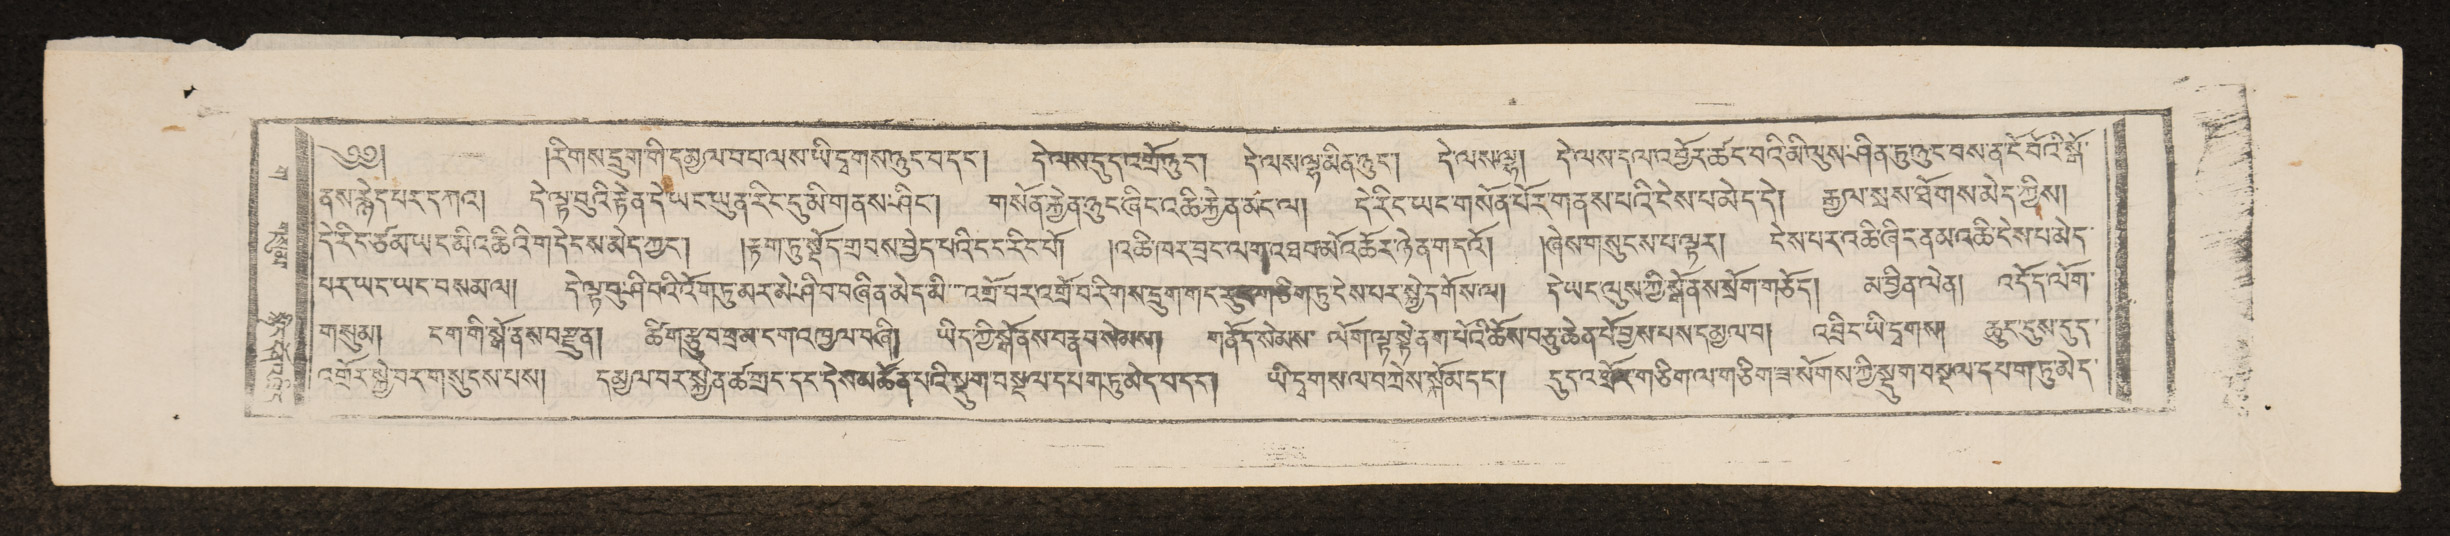༄༅། །རིགས་དྲུག་གི་དམྱལ་བ་པ་ལས་ཡི་དྭགས་ཉུང་བ་དང་། དེ་ལས་དུད་འགྲོ་ཉུང་། དེ་ལས་ལྷ་མིན་ཉུང་། དེ་ལས་ལྷ། དེ་ལས་དལ་འབྱོར་ཚང་བའི་མི་ལུས་ཤིན་ཏུ་ཉུང་བས་ན་ངོ་བོའི་སྒོ་
ནས་རྙེད་པར་དཀའ། དེ་ལྟ་བུའི་རྟེན་དེ་ཡང་ཡུན་རིང་དུ་མི་གནས་ཤིང་། གསོན་རྐྱེན་ཉུང་ཞིང་འཆི་རྐྱེན་མང་ལ། དེ་རིང་ཡང་གསོན་པོར་གནས་པའི་ངེས་པ་མེད་དེ། རྒྱལ་སྲས་ཐོགས་མེད་ཀྱིས།
དེ་རིང་ཙམ་ཡང་མི་འཆིའི་གདེངས་མེད་ཀྱང་། །རྟག་ཏུ་སྡོད་གྲབས་བྱེད་པའི་ངང་རིང་པོ། །འཆི་ཁར་བྲང་ལག་འཐབ་མོ་འཆོར་ཉེན་གདO། །ཞེས་གསུངས་པ་ལྟར། ངེས་པར་འཆི་ཞིང་ནམ་འཆི་ངེས་པ་མེད་
པར་ཡང་ཡང་བསམ་ལ། དེ་ལྟ་བུ་ཤི་བའི་འོག་ཏུ་མར་མེ་ཤི་བ་བཞིན་མེད་མི་འགྲོ་བར་འགྲོ་བ་རིགས་དྲུག་གང་རུང་གཅིག་ཏུ་ངེས་པར་སྐྱེ་དགོས་ལ། དེ་ཡང་ལུས་ཀྱི་སྒོ་ནས་སྲོག་གཅོད། མ་བྱིན་ལེན། འདོད་ལོག་
གསུམ། ངག་གི་སྒོ་ནས་བརྫུན། ཚིག་རྩུབ་ཕྲ་མ་ངག་འཁྱལ་བཞི། ཡིད་ཀྱི་སྒོ་ནས་བརྣབ་སེམས། གནོད་སེམས་ལོག་ལྟ་སྟེ་ནག་པོའི་ཆོས་བཅུ་ཆེན་པོ་བྱས་པས་དམྱལ་བ། འབྲིང་ཡི་དྭགས། ཆུང་དུས་དུད་
འགྲོར་སྐྱེ་བར་གསུངས་པས། དམྱལ་བར་སྐྱེ་ན་ཚ་གྲང་དང་དེས་མཚོན་པའི་སྡུག་བསྔལ་དཔག་ཏུ་མེད་པ་དང་། ཡི་དྭགས་ལ་བཀྲེས་སྐོམ་དང་། དུད་འགྲོར་གཅིག་ལ་གཅིག་ཟ་སོགས་ཀྱི་སྡུག་བསྔལ་དཔག་ཏུ་མེད་